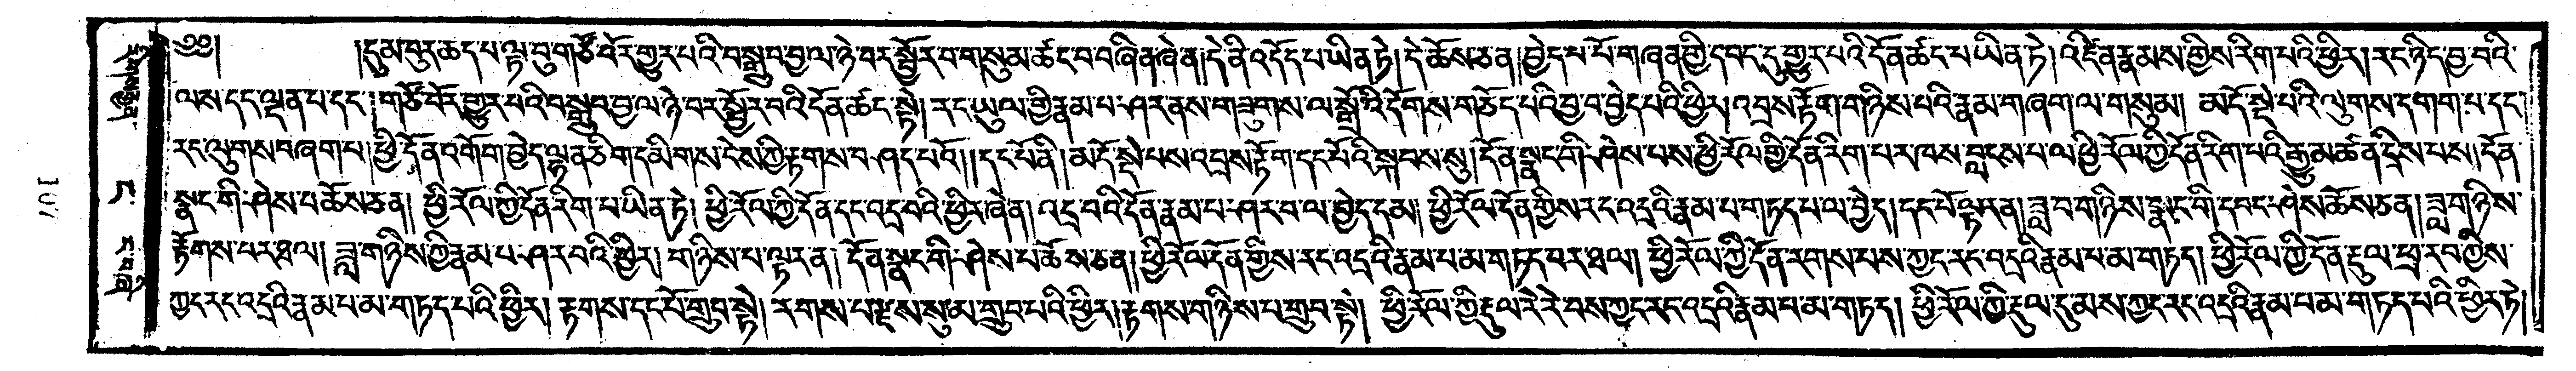༄༅། །དུམ་བུར་ཆད་པ་ལྟ་བུ་གཙོ་བོར་གྱུར་བའི་བསྒྲུབ་བྱ་ལ་ཉེ་བར་སྦྱོར་བ་གསུམ་ཚང་བ་བཞིན་ཞེ་ན། དེ་ནི་འདོད་པ་ཡིན་ཏེ། དེ་ཆོས་ཅན། བྱེད་པ་པོ་གཞན་གྱི་དབང་དུ་གྱུར་པའི་དོན་ཚང་བ་ཡིན་ཏེ། འཛིན་རྣམས་ཀྱིས་རིག་པའི་ཕྱིར། རང་ཉིད་བྱ་བའི་
ལས་དང་ལྡན་པ་དང་། གཙོ་བོར་གྱུར་པའི་བསྒྲུབ་བྱ་ལ་ཉེ་བར་སྦྱོར་བའི་དོན་ཚང་སྟེ། རང་ཡུལ་གྱི་རྣམ་པ་ཤར་ནས་གཟུགས་ལ་སྒྲོ་འདོགས་གཅོད་པའི་བྱ་བ་བྱེད་པའི་ཕྱིར། འབྲས་རྟོག་གཉིས་པའི་རྣམ་གཞག་ལ་གསུམ། མདོ་སྡེ་པའི་ལུགས་དགག་པ་དང་།
རང་ལུགས་བཞག་པ། ཕྱི་དོན་འགོག་བྱེད་ལྷན་ཅིག་དམིགས་ངེས་ཀྱི་རྟགས་བཤད་པའོ། །དང་པོ་ནི། མདོ་སྡེ་པས་འབྲས་རྟོག་དང་པོའི་སྐབས་སུ། དོན་སྣང་གི་ཤེས་པས་ཕྱི་རོལ་ཀྱི་དོན་རིག་པར་ཁས་བླངས་པ་ལ་ཕྱི་རོལ་ཀྱི་དོན་རིག་པའི་རྒྱུ་མཚན་དྲིས་པས། དོན་
སྣང་གི་ཤེས་པ་ཆོས་ཅན། ཕྱི་རོལ་ཀྱི་དོན་རིག་པ་ཡིན་ཏེ། ཕྱི་རོལ་ཀྱི་དོན་དང་འདྲ་བའི་ཕྱིར་ཞེ་ན། འདྲ་བའི་དོན་རྣམ་པ་ཤར་བ་ལ་བྱེད་དམ། ཕྱི་རོལ་དོན་གྱིས་རང་འདྲའི་རྣམ་པ་གཏད་པ་ལ་བྱེད། དང་པོ་ལྟར་ན། ཟླ་བ་གཉིས་སྣང་གི་དབང་ཤེས་ཆོས་ཅན། ཟླ་གཉིས་
རྟོགས་པར་ཐལ། ཟླ་གཉིས་ཀྱི་རྣམ་པ་ཤར་བའི་ཕྱིར། གཉིས་པ་ལྟར་ན། དོན་སྣང་གི་ཤེས་པ་ཆོས་ཅན། ཕྱི་རོལ་དོན་གྱིས་རང་འདྲའི་རྣམ་པ་མ་གཏད་པར་ཐལ། ཕྱི་རོལ་ཀྱི་དོན་རགས་པས་ཀྱང་རང་འདྲའི་རྣམ་པ་མ་གཏད། ཕྱི་རོལ་ཀྱི་དོན་རྡུལ་ཕྲ་རབ་ཀྱིས་
ཀྱང་རང་འདྲའི་རྣམ་པ་མ་གཏད་པའི་ཕྱིར། རྟགས་དང་པོ་གྲུབ་སྟེ། རགས་པ་རྫས་སུ་མ་གྲུབ་པའི་ཕྱིར། རྟགས་གཉིས་པ་གྲུབ་སྟེ། ཕྱི་རོལ་ཀྱི་རྡུལ་རེ་རེ་བས་ཀྱང་རང་འདྲའི་རྣམ་པ་མ་གཏད། ཕྱི་རོལ་ཀྱི་རྡུལ་དུ་མས་ཀྱང་རང་འདྲའི་རྣམ་པ་མ་གཏད་པའི་ཕྱིར་ཏེ།